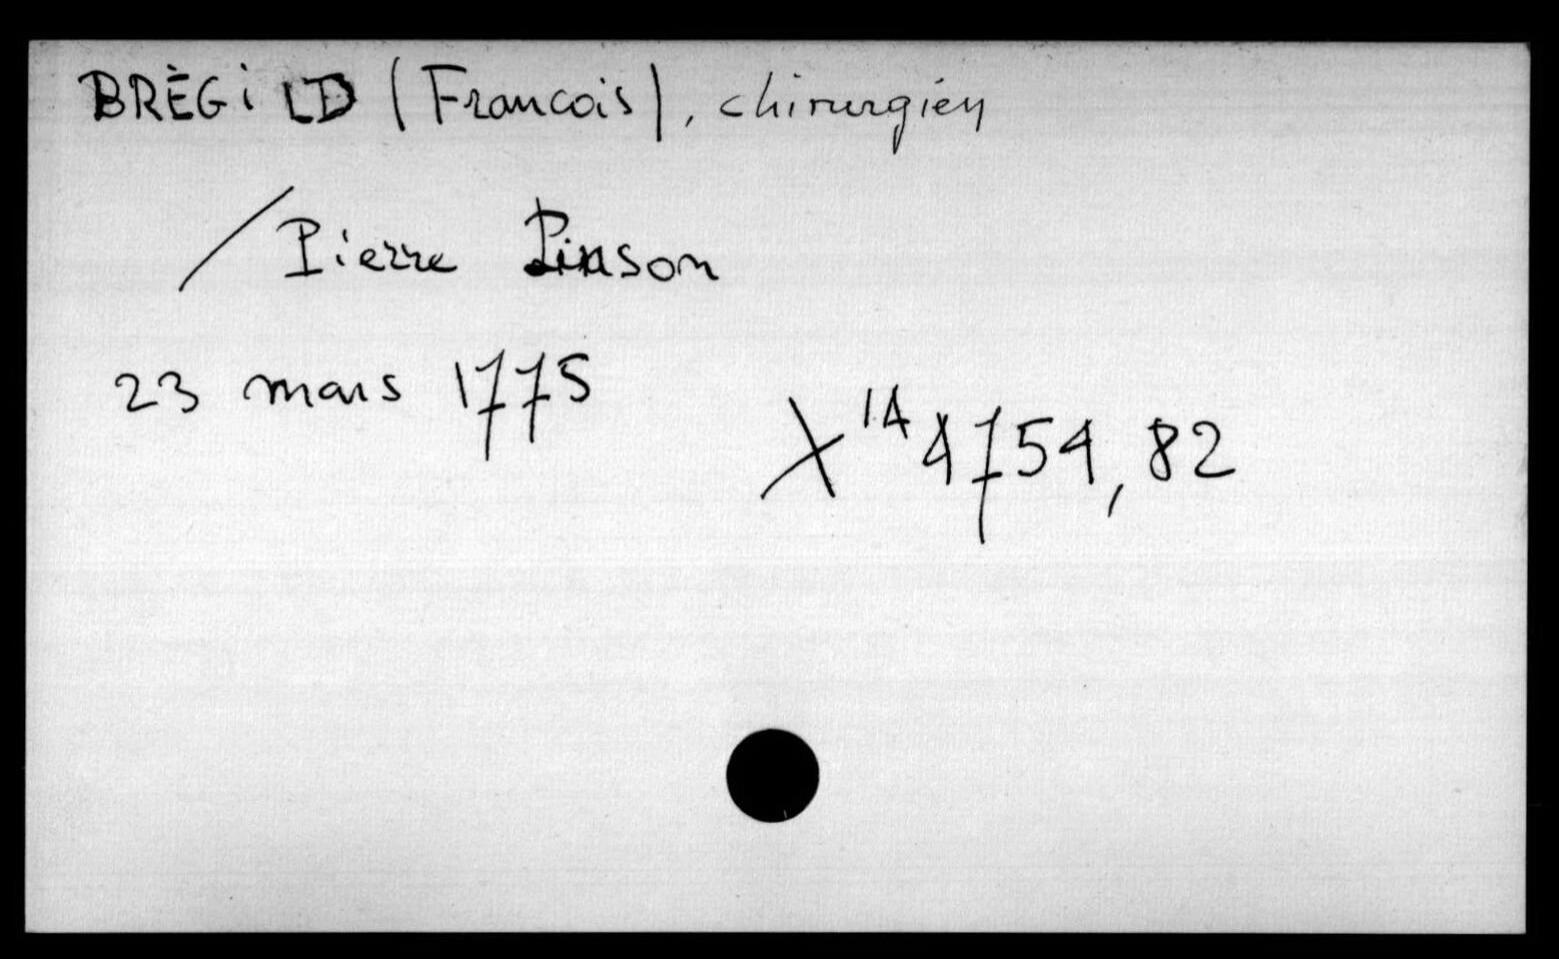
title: BRÉGILD (François), chirurgien
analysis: Contre Pierre Pinson
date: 23 mars 1775
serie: X1A
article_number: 4754
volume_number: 82
